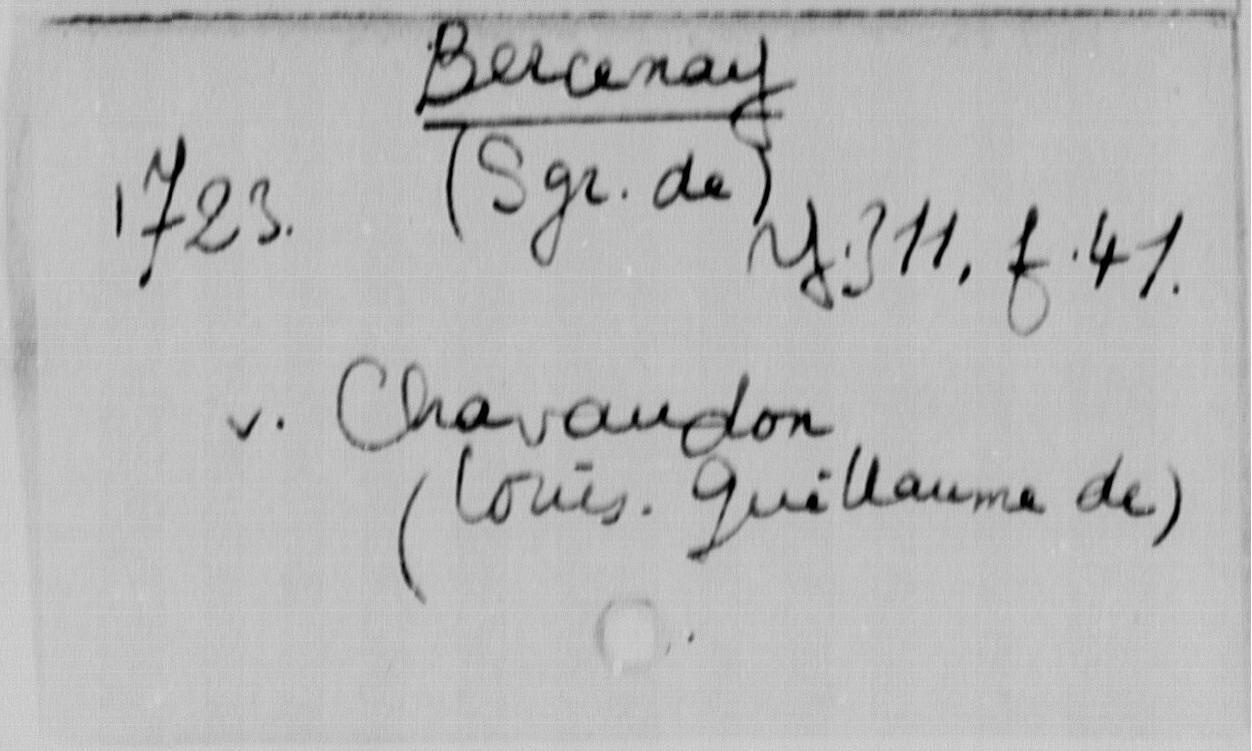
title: BERCENAY (seigneur de)
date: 1723
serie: Y
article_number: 311
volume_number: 41
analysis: Voir : CHAVAUDON (Louis-Guillaume de)
